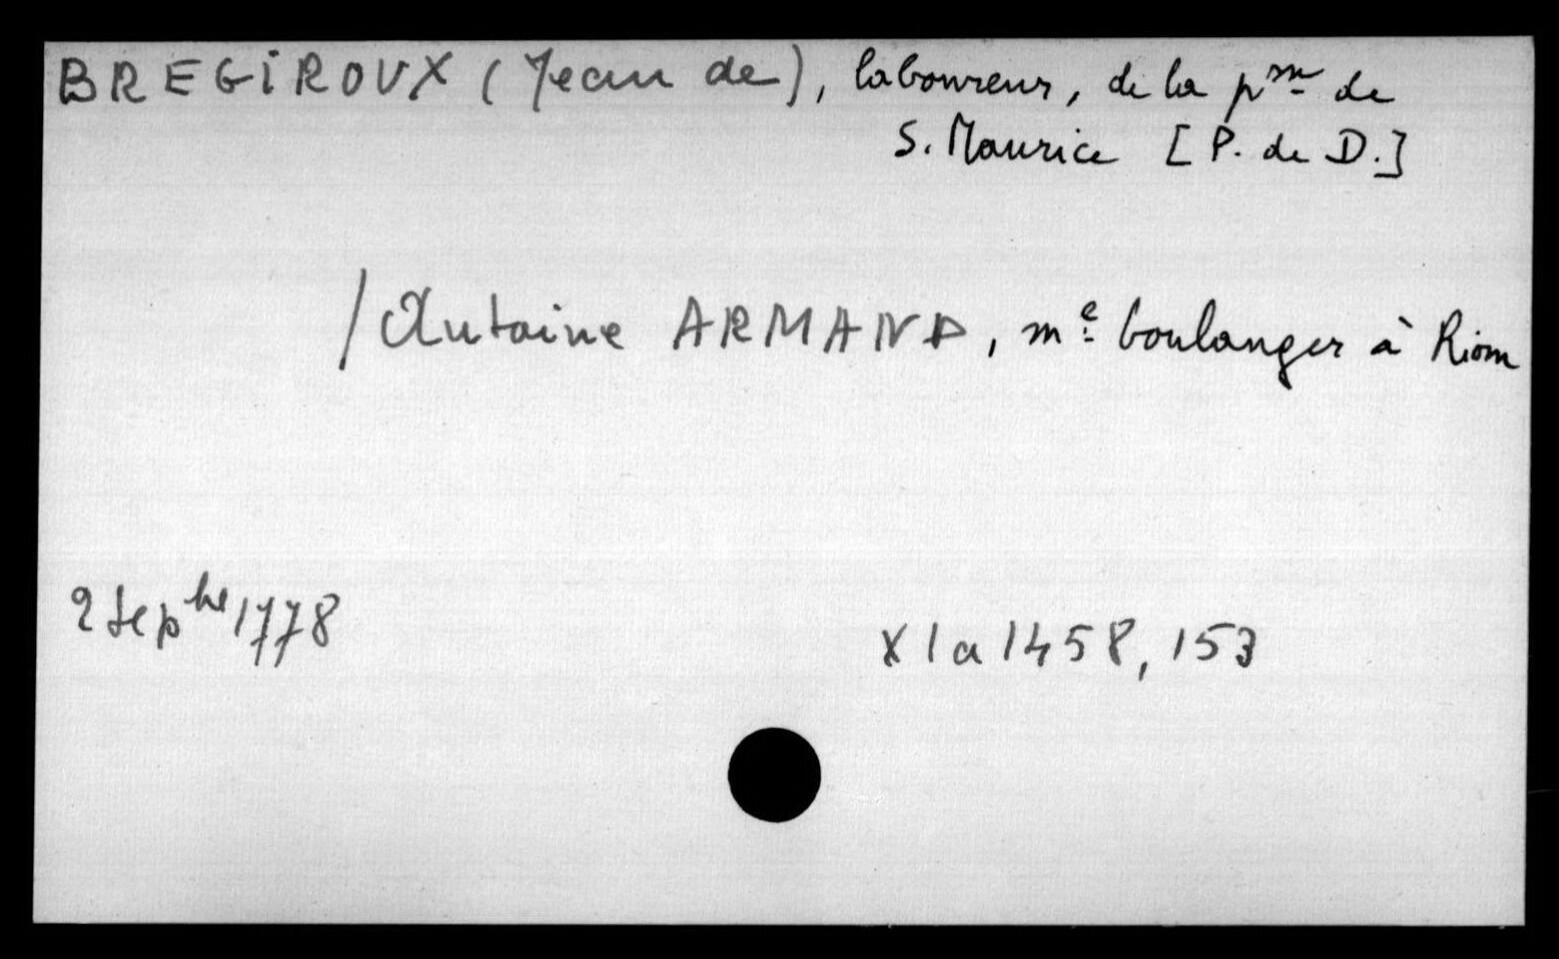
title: BREGIROUX (Jean de), laboureur, de la paroisse de Saint-Maurice [Puy-de-Dôme]
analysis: Contre Antaine ARMAND, maître boulanger à Riom
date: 2 septembre 1778
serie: X1a
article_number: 1458
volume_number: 153
